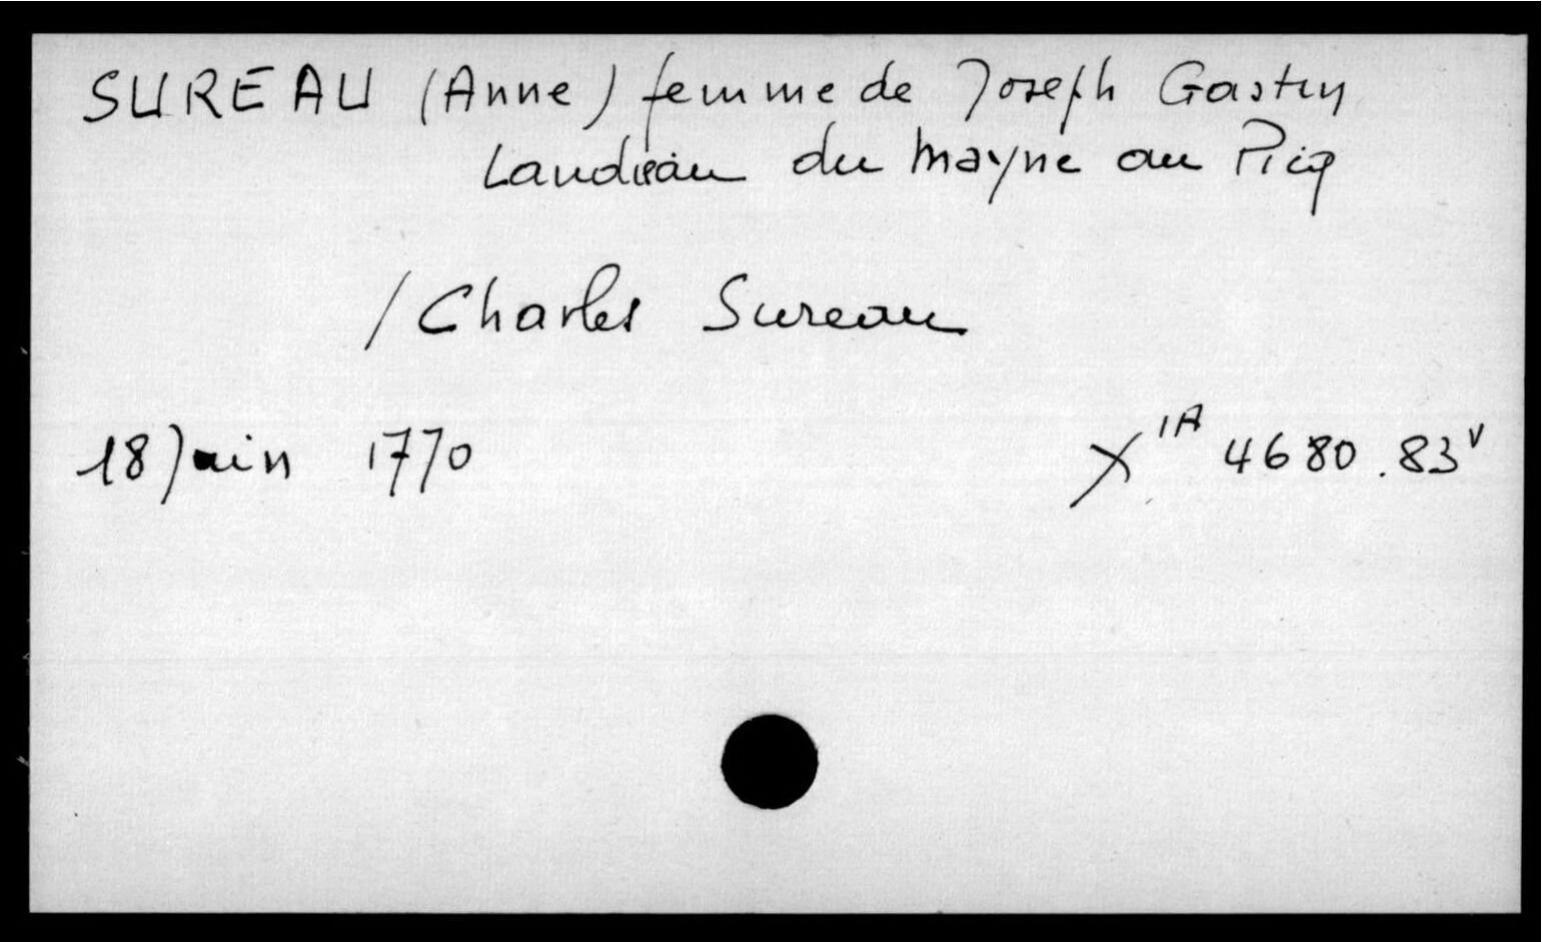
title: SUREAU (Anne) femme de Joseph Gastin Laudiau du mayne au Picq
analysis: Contre Charles Sureau
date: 18 juin 1770
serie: X1A
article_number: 4680
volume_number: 83v
